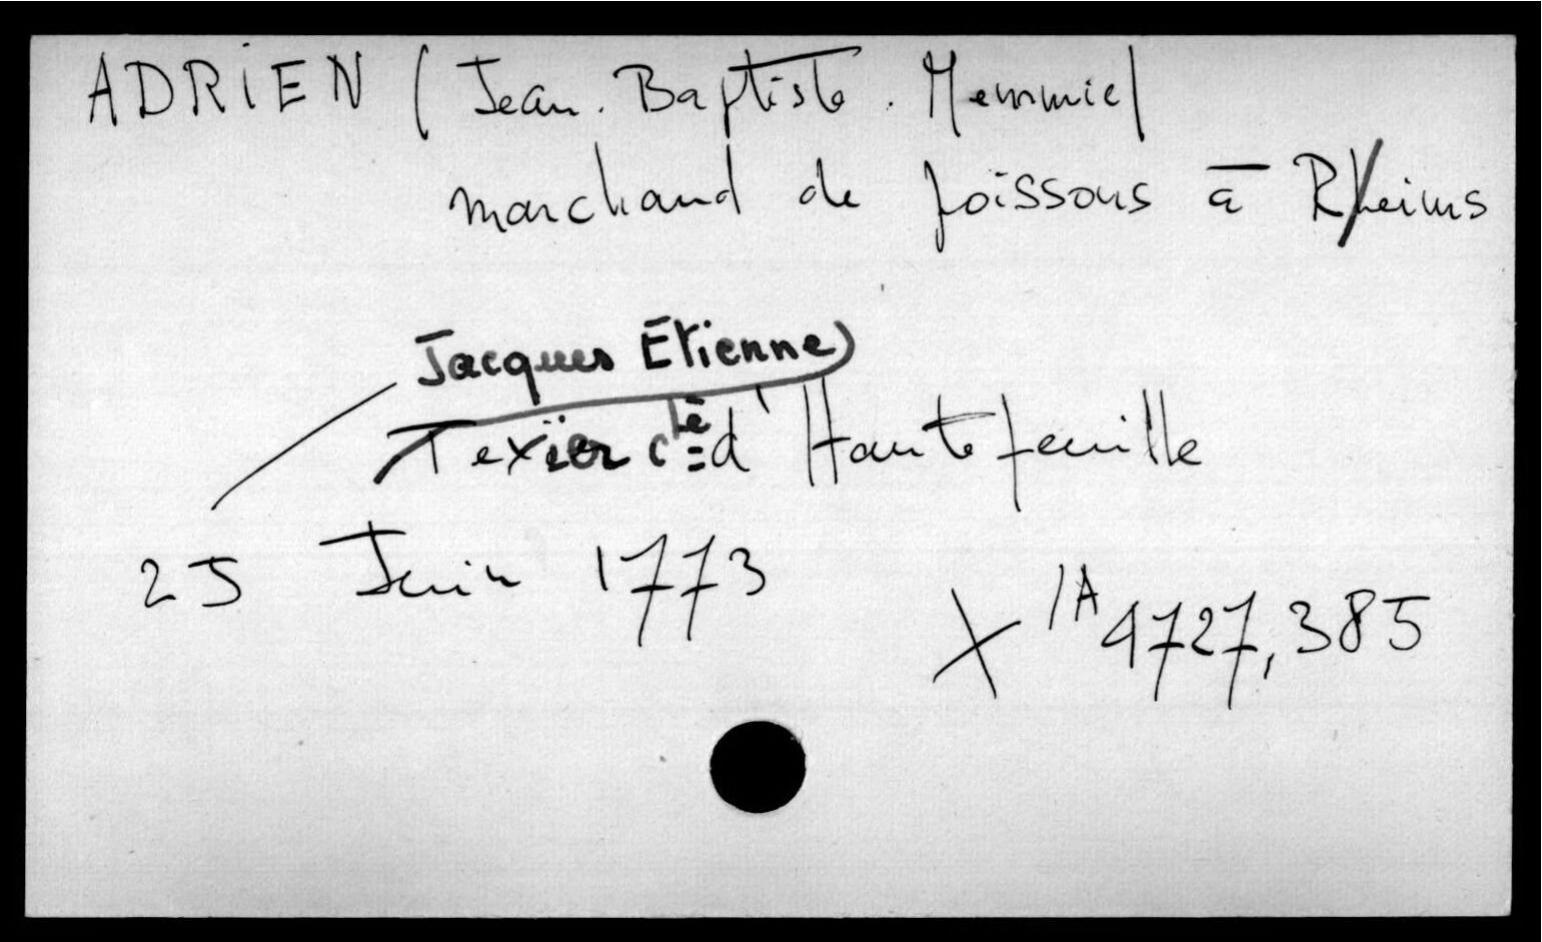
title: ADRIEN (Jean Baptiste Mennie) marchand de poissons à Reims
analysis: Contre Jacques Étienne Texier comte d'Hautefeuille
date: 25 juin 1773
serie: X1A
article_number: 4727
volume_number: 385
